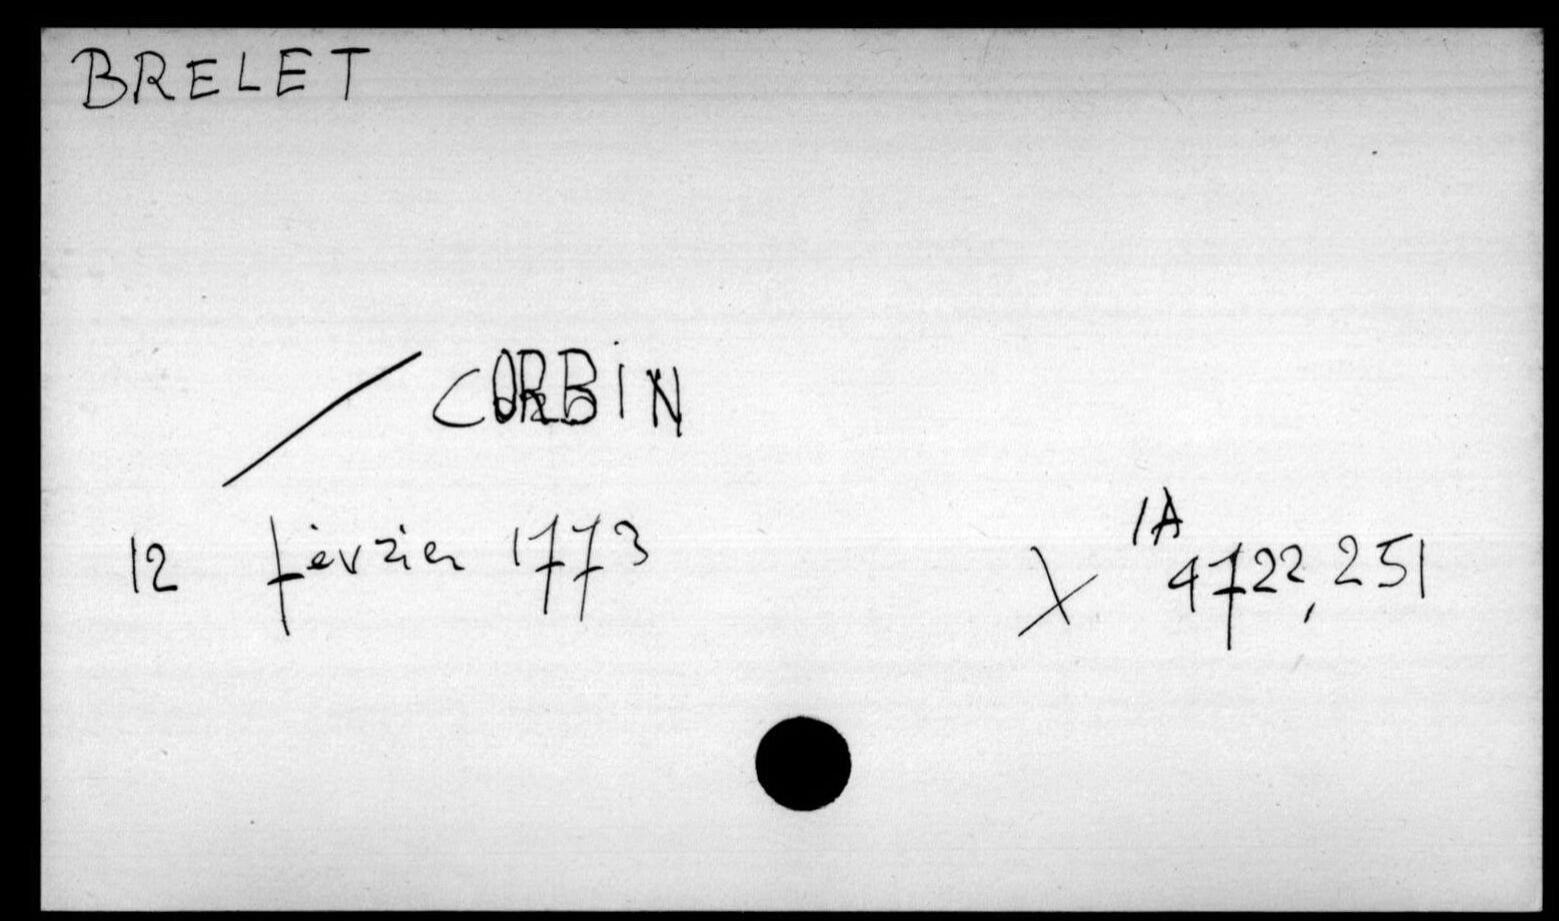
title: BRELET
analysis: Contre CORBIN
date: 12 février 1773
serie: X1A
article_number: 4722
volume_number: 251
